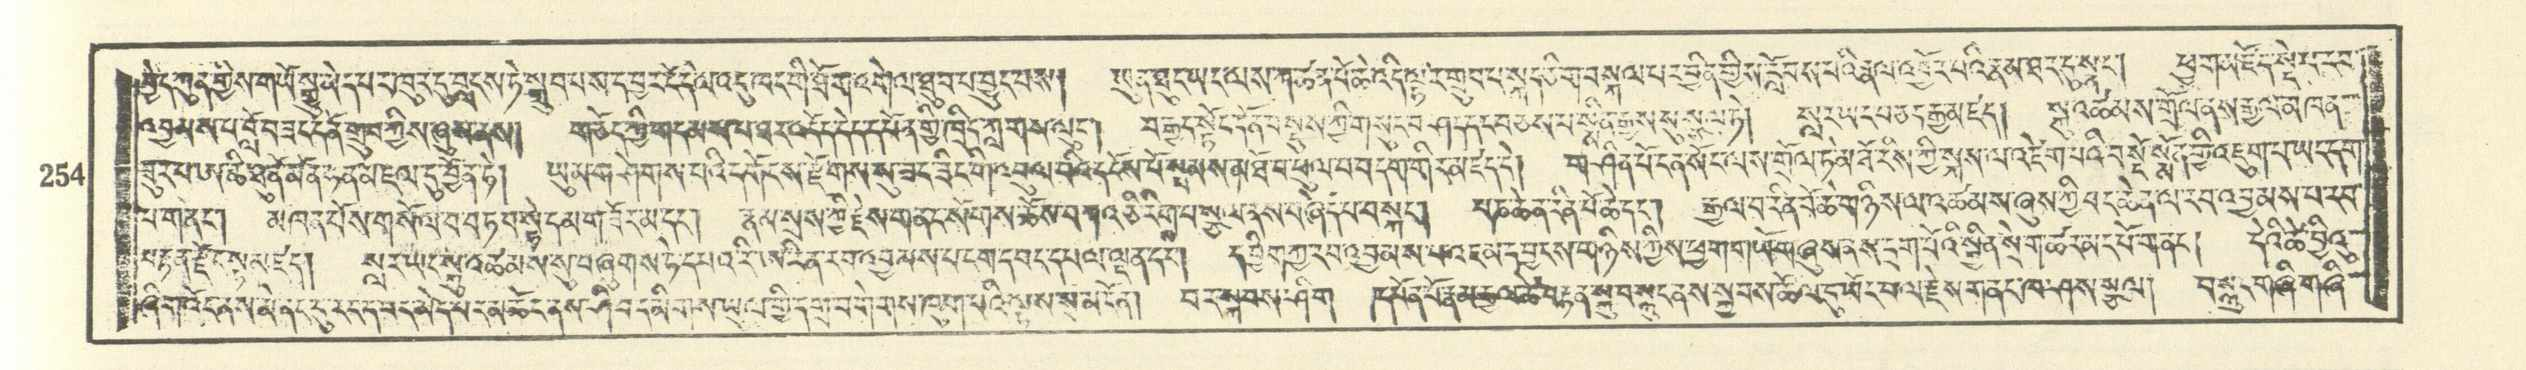བྱེད་ཀུན་གྱིས་གཡོ་སྒྱུ་མེད་པར་ཁུར་དུ་བླངས་ཏེ་སྒྲུབ་པས་དབྱར་དོ་དེ་ལ་འདུ་ཁང་གི་ཐོག་འགེལ་ཐུབ་པ་བྱུང་བས། ཡུན་ཐུང་ཡང་ལས་ཀ་ཚན་པོ་ཆེ་འདི་ལྟར་གྲུབ་པ་སྐད་ཅིག་བསྐལ་པར་བྱིན་གྱིས་རློབས་པའི་རྣལ་འབྱོར་པའི་རྣམ་ཐར་དུ་སྣང་། ཕྱག་མཛོད་སྡེ་པ་རབ་
འབྱམས་པ་བློ་བཟང་དོན་གྲུབ་ཀྱིས་ཞུས་ནས། གཅོད་ཀྱི་གདམས་པ་ཐར་འདོད་དེད་དཔོན་གྱི་ཁྲིད་ཀླགས་ལུང་། བརྒྱད་སྟོང་དོན་བསྡུས་ཀྱི་གསུང་བཤད་དང་བཅས་པ་སྨིན་རྒྱས་སུ་སྩལ་ཏེ། སླར་ཡང་བཅད་རྒྱ་མཛད། སྐུ་འཚམས་གྲོལ་ནས་རྒྱལ་མཁན་
ཟུར་པ་ཨ་ཆི་ཐུ་ནོ་མོན་ཧན་མཇལ་དུ་བྱོན་ཏེ། ཡུམ་གཤེགས་པའི་དགོངས་རྫོགས་སུ་ཟང་ཟིང་གི་འབུལ་བའི་དངོས་པོ་སྤམས་མཐོ་བ་ཕུལ་བ་བདག་གིར་མཛད་དེ། གཤིན་པོ་ངན་སོང་ལས་གྲོལ་ཏེ་མཐོ་རིས་ཀྱི་སྐས་ལ་འཛེག་པའི་བསྔོ་སྨོན་གྱི་འཇུག་པ་ཡང་དག་
པ་གནང་། མཁན་པོས་གསོལ་བ་བཏབ་སྟེ་དམག་ཟོར་མ་དང་། རྣམ་སྲས་ཀྱི་རྗེས་གནང་སོགས་ཆོས་བཀའ་ཅི་རིགས་པ་སྩལ་ནས་བཞེད་པ་བསྐང་། པཎ་ཆེན་རིན་པོ་ཆེ་དང་། རྒྱལ་བ་རིན་པོ་ཆེ་གཉིས་ལ་འཚམས་ཞུས་ཀྱི་བང་ཆེན་ལ་རབ་འབྱམས་པ་རབ་
བརྟན་རྫོང་སྟ་མཛད། སླར་ཡང་སྐུ་འཚམས་སུ་བཞུགས་ཏེ་དཔའ་རི་ཨ་རིན་རབ་འབྱམས་པ་ངག་དབང་དཔལ་ལྡན་དང་། དབྱིག་ཀྱ་རབ་འབྱམས་པ་འཇམ་དབྱངས་གཉིས་ཀྱིས་ཕྱག་གཡོག་ཞུས་ནས་དྲག་པོའི་སྦྱིན་སྲེག་ཚར་མང་པོ་གནང་། དེའི་ཚེ་བྱིའུ་
ཞིག་འོང་ནས་མེ་ནང་དུ་རང་དབང་མེད་པར་མཆོང་ནས་ཤི་བ་དམིགས་ཡུལ་གྱི་དགྲ་བ་གེགས་ཁུག་པའི་ལྟས་སུ་མངོན། པར་སྐབས་ཤིག །དཔོན་པོ་རྣམ་རྒྱལ་ཚེ་བརྟན་སྐུ་བསྙུང་ནས་སྐྱབས་ཚོལ་དུ་ཡོང་བ་ལ་རྗེས་གནང་ཁ་ཤས་སྩལ། བསྙུང་གཞི་གཞི་